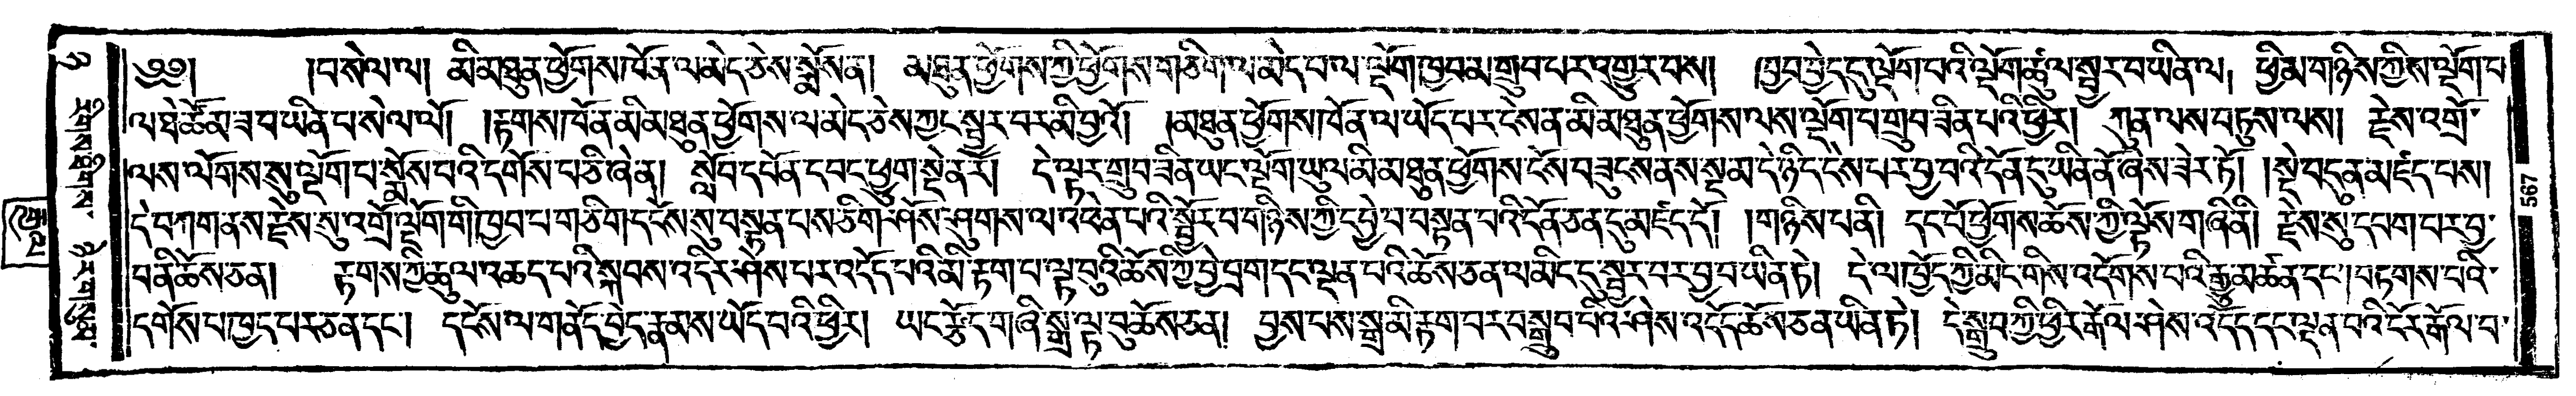༄༅། །བ་སེལ་ལ། མི་མཐུན་ཕྱོགས་ཁོ་ན་ལ་མེད་ཅེས་སྨོས་ན། མཐུན་ཕྱོགས་ཀྱི་ཕྱོགས་གཅིག་ལ་མེད་པ་ལ་ལྡོག་ཁྱབ་མ་གྲུབ་པར་འགྱུར་བས། ཁྱབ་བྱེད་དུ་ལྡོག་པའི་ལྡོག་ཚུལ་སྦྱར་པ་ཡིན་ལ། ཕྱི་མ་གཉིས་ཀྱིས་ལྡོག་པ་
ལ་ཐེ་ཚོམ་ཟ་བ་ཡིན་པ་སེལ་ལོ། །རྟགས་ཁོ་ན་མི་མཐུན་ཕྱོགས་ལ་མེད་ཅེས་ཀྱང་སྦྱར་བར་མི་བྱའོ། །མཐུན་ཕྱོགས་ཁོ་ན་ལ་ཡོད་པར་ངེས་ན་མི་མཐུན་ཕྱོགས་ལས་ལྡོག་པ་གྲུབ་ཟིན་པའི་ཕྱིར། ཀུན་ལས་བཏུས་ལས། རྗེས་འགྲོ་
ལས་ལོགས་སུ་ལྡོག་པས་སྨོས་པའི་དགོས་པ་ཅི་ཞེ་ན། སློབ་དཔོན་དབང་ཕྱུག་སྔེ་ན་རེ། དེ་ལྟར་གྲུབ་ཟིན་ཡང་ལྡོག་ཡུལ་མི་མཐུན་ཕྱོགས་ངོས་བཟུང་ནས་སྔ་མ་དེ་ཉིད་ངེས་པར་བྱ་བའི་དོན་དུ་ཡིན་ནོ་ཞེས་ཟེར་ཏོ། །སྡེ་བདུན་མཛད་པས།
དེ་བཀག་ནས་རྗེས་སུ་འགྲོ་ལྡོག་གི་ཁྱབ་པ་གཅིག་དངོས་སུ་བསྟན་པས་ཅིག་ཤོས་ཤུགས་ལ་འཕེན་པའི་སྦྱོར་བ་གྱིས་ཀྱི་དབྱེ་བ་བསྟན་པའི་དོན་ཅན་དུ་མཛད་དོ། །གཉིས་པ་ནི། དང་པོ་ཕྱོགས་ཆོས་ཀྱི་ལྟོས་གཞི་ནི། རྗེས་སུ་དཔག་པར་བྱ་
བ་ནི་ཆོས་ཅན། རྟགས་ཀྱི་ཆུལ་འཆད་པའི་སྐབས་འདིར་ཤེས་པར་འདོད་པའི་མི་རྟག་པ་ལྟ་བུའི་ཆོས་ཀྱི་བྱེ་བྲག་དང་ལྡན་པའི་ཆོས་ཅན་ལ་མིང་དུ་སྦྱར་བར་བྱ་བ་ཡིན་ཏེ། དེ་ལ་ཁྱོད་ཀྱི་མིང་གིས་འདོགས་པའི་རྒྱུ་མཚན་དང་། བཏགས་པའི་
དགོས་པ་ཁྱད་པར་ཅན་དང་། དངོས་ལ་གནོད་བྱེད་རྣམས་ཡོད་པའི་ཕྱིར། ཡང་རྩོད་གཞི་སྒྲ་ལྟ་བུ་ཆོས་ཅན། བྱས་པས་སྒྲ་མི་རྟག་པར་བསྒྲུབ་པའི་ཤེས་འདོད་ཆོས་ཅན་ཡིན་ཏེ། དེ་སྒྲུབ་ཀྱི་ཕྱིར་རྒོལ་ཤེས་འདོད་དང་ལྡན་པའི་ངོར་རྒོལ་བ་